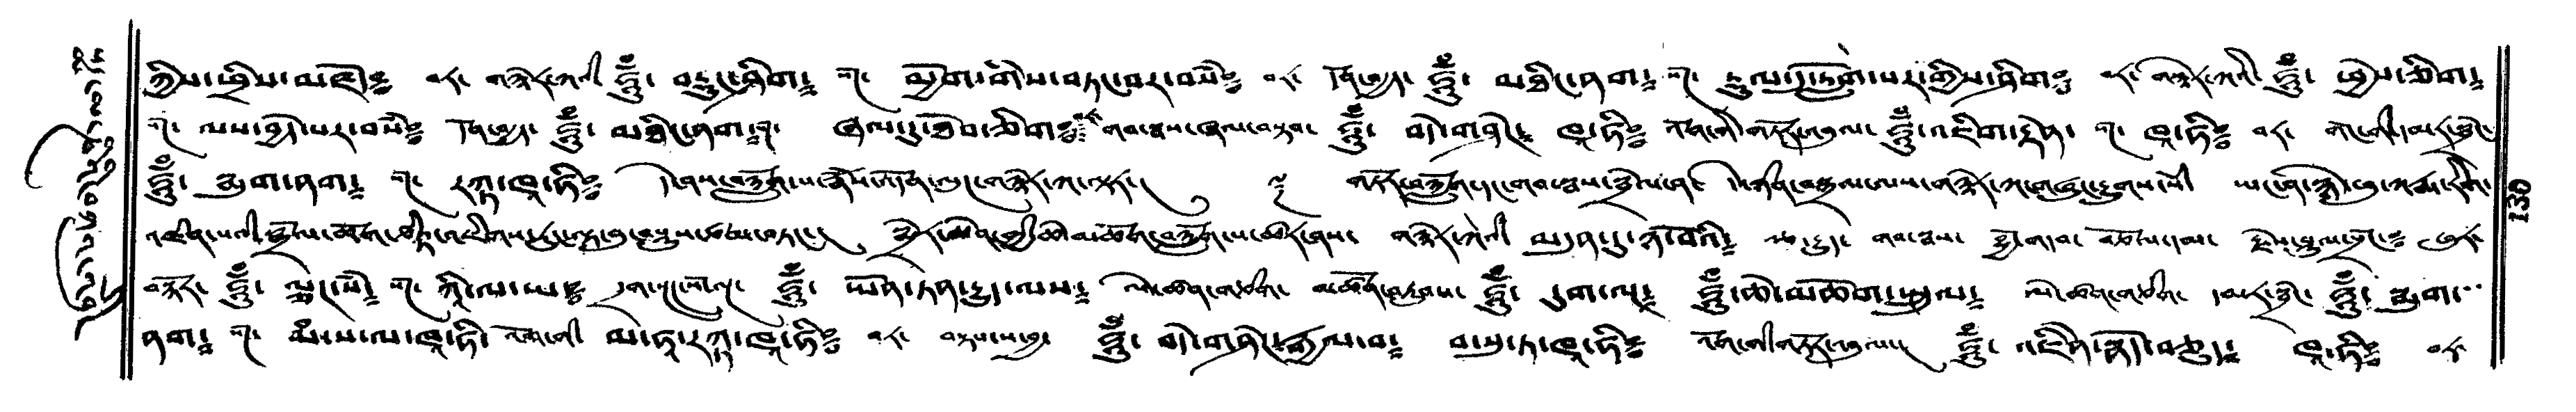ཀྱིས་ཕྲིན་ལས་མཛོད༔ བར། གཟེར་ཀའི། ཧཱུྃ༔ རྡུངས་ཤིག༴ སོགས། མྱོག་གིས་བཏང་བར་བསམ། བར། དོན་བརྒྱད། ཧཱུྃ༔ མཐིང་ནག༴ སོགས། རྡུལ་དུ་རློག་པར་གྱིས་ཤིག༔ བར། གཟེར་ཀའི། ཧཱུྃ༔ ཕྱེས་ཤིག༴ 
སོགས ། ལས་བྱེད་པར༴ བསམ། དོན་བརྒྱད། ཧཱུྃ༔ མཐིང་ནག༴ སོགས། ཞལ་དུ་ཐོབ་ཅིག༔ བར། གབ་སྦས་ཞལ་སྟབ། ཧཱུྃ༔ བདེ་གཤེགས༴ ཁཱ་ཧི༔ འོག་གི་གཏོར་འབུལ། ཧཱུྃ༔འཇིག་རྟེན༴ སོགས། ཁཱ་ཧི༔ བར། གོང་གི་དམར་སྦྲེང་། 
ཧཱུྃ༔ སྨུག་ནག༴ སོགས། རཀྟ་ཁཱ་ཧི༔ དེ་ནས་ཟློག་པ་རྣམས་འདོན་ལུགས་གཟེར་ཀ་ལྟར།༈ གཏོར་ཟློག་དང་གབ་སྦས་སྦྲེལ་ན། དེ་ཉིན་བསྒྲལ་ལས་གཟེར་ཀ་གཞུང་རྒྱུག་གམ། ཡང་ན་སྙེ་ཕུ་ཀརྨ་རིག་
འཛིན་པའི་བསྒྲལ་ཆོག་ཙིཏྟ་འཇིགས་རུང་ལྟ་བུ་བསྡུས་ཙམ་བཏང་། སྨྲོར་ཆེན་གྱི་ཆེ་མཆོག་ཟློག་པ་ཚར་ནས། གཟེར་ཀའི་མདུན་དུ་ཉ་བོའི༴ རྩ་རྒྱུད། གབ་སྦས། བྷྱོ་གདབ། བཅོལ་དམ། རྗེས་ཤུལ་སྲོང་། ཕུར་
སྐོར། ཧཱུྃ༔ ལྕགས་སམ༴ སོགས། ཀཱི་ལ་ཡ༔ དྲག་སྔགས་སོ་ལྔ། ཧཱུྃ། ཡོན་ཏན་རྒྱུད་ལས༴ ལེ་ཚན་གཅིག མཚོན་གཏུབ། ཧཱུྃ༔ དུག་ལྔ༴ ཧཱུྃ༔ཆེ་མཆོག་སྤྲུལ༴ ལེ་ཚན་གཅིག དམར་སྦྲེང་། ཧཱུྃ༔ སྨུག་
ནག༴ སོགས། མཾ་ས་ལ་ཁཱ་ཧི༔ འོག་གི མ་ཧཱ་རཀྟ་ཁཱ་ཧི༔ བར། བསྟབ་པ་བྱ། ཧཱུྃ༔ བདེ་གཤེགས་རྒྱལ་བ༴ བ་སུ་ཏ་ཁཱ་ཧི༔ འོག་གི་གཏོར་འབུལ། ཧཱུྃ༔ འཇིག་རྟེན་སྣོད་བཅུད༴ ཁཱ་ཧི༔ བར།